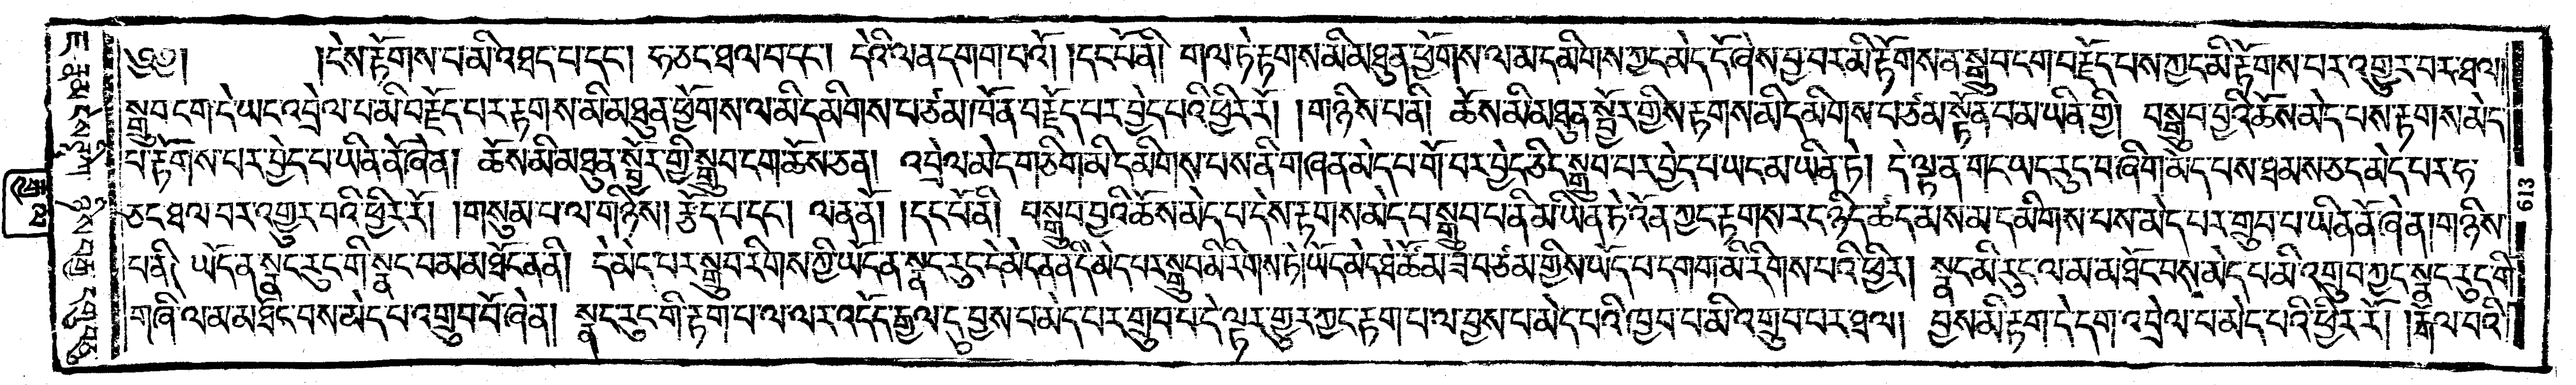༄༅། །ངེས་རྟོགས་པ་མི་འཐད་པ་དང་། ཧ་ཅང་ཐལ་བ་དང་། དེའི་ལན་དགག་པའོ། །དང་པོ་ནི། གལ་ཏེ་རྟགས་མི་མཐུན་ཕྱོགས་ལ་མ་དམིགས་ཀྱང་མེད་དོ་ཞེས་བྱ་བར་མི་རྟོགས་ན་སྒྲུབ་ངག་བརྗོད་པས་ཀྱང་མི་རྟོགས་པར་འགྱུར་བར་ཐལ།
སྒྲུབ་ངག་དེ་ཡང་འབྲེལ་པ་མི་བརྗོད་པར་རྟགས་མི་མཐུན་ཕྱོགས་ལ་མི་དམིགས་པ་ཙམ་ཁོ་ན་བརྗོད་པར་བྱེད་པའི་ཕྱིར་རོ། །གཉིས་པ་ནི། ཆོས་མི་མཐུན་སྦྱོར་གྱིས་རྟགས་མི་དམིགས་པ་ཙམ་སྟོན་པ་མ་ཡིན་གྱི། བསྒྲུབ་བྱའི་ཆོས་མེད་པས་རྟགས་མེད་
པ་རྟོགས་པར་བྱེད་པ་ཡིན་ནོ་ཞེ་ན། ཆོས་མི་མཐུན་སྦྱོར་གྱི་སྒྲུབ་ངག་ཆོས་ཅན། འབྲེལ་མེད་གཅིག་མི་དམིགས་པས་ནི་གཞན་མེད་པ་གོ་བར་བྱེད་ཅིང་སྒྲུབ་པར་བྱེད་པ་ཡང་མ་ཡིན་ཏེ། དེ་ལྟ་ན་གང་ཡང་རུང་བ་ཞིག་མེད་པས་ཐམས་ཅད་མེད་པར་ཧ་
ཅང་ཐལ་བར་འགྱུར་བའི་ཕྱིར་རོ། །གསུམ་པ་ལ་གཉིས། རྩོད་པ་དང་། ལན་ནོ། །དང་པོ་ནི། བསྒྲུབ་བྱའི་ཆོས་མེད་པ་དེས་རྟགས་མེད་པ་སྒྲུབ་པ་ནི་མ་ཡིན་ཏེ་འོན་ཀྱང་རྟགས་རང་ཉིད་ཚད་མས་མ་དམིགས་པས་མེད་པར་གྲུབ་པ་ཡིན་ནོ་ཞེ་ན། གཉིས་
པ་ནི། ཡོད་ན་སྣང་རུང་གི་སྣང་བ་མ་མཐོང་ན་ནི། དེ་མེད་པར་སྒྲུབ་རིགས་ཀྱི་ཡོད་ན་སྣང་རུང་དེ་མེད་ན་ནི་དེ་མེད་པར་སྒྲུབ་མི་རིགས་ཏེ། ཡོད་མེད་ཐེ་ཚོམ་ཟ་བ་ཙམ་གྱིས་ཡོད་པ་དགག་མི་རིགས་པའི་ཕྱིར། སྣང་མི་རུང་ལ་མ་མཐོང་བས་མེད་པ་མི་འགྲུབ་ཀྱང་སྣང་རུང་གི་
གཞི་ལ་མ་མཐོང་བས་མེད་པ་འགྲུབ་བོ་ཞེ་ན། སྣང་རུང་གི་རྟག་པ་ལ་ལར་འདོད་རྒྱལ་དུ་བྱས་པ་མེད་པར་གྲུབ་པ་དེ་ལྟར་གྱུར་ཀྱང་རྟག་པ་ལ་བྱས་པ་མེད་པའི་ཁྱབ་པ་མི་འགྲུབ་པར་ཐལ། བྱས་མི་རྟག་དེ་དག་འབྲེལ་པ་མེད་པའི་ཕྱིར་རོ། །རྒོལ་བའི་